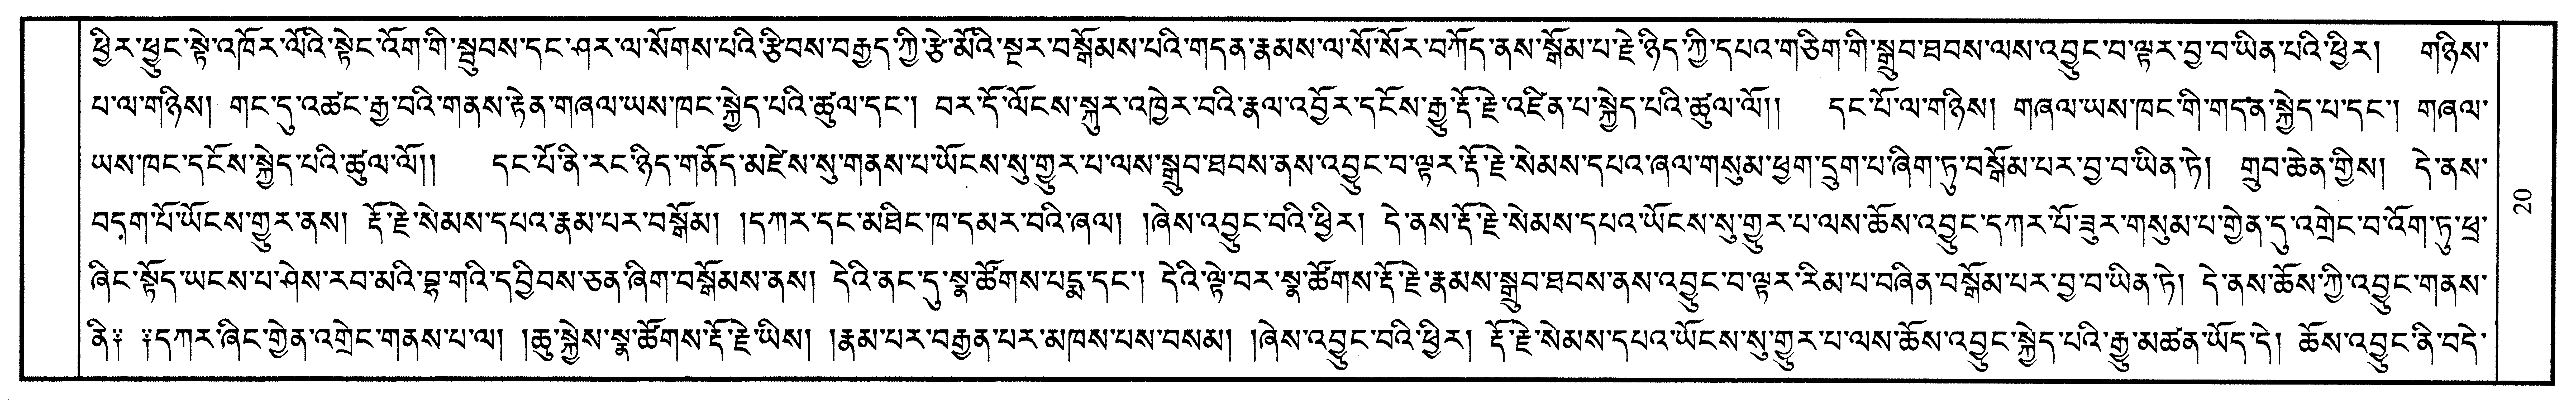ཕྱིར་ཕྱུང་སྟེ་འཁོར་ལོའི་སྟེང་འོག་གི་སྦུབས་དང་ཤར་ལ་སོགས་པའི་རྩིབས་བརྒྱད་ཀྱི་རྩེ་མོའི་སྔར་བསྒོམས་པའི་གདན་རྣམས་ལ་སོ་སོར་བཀོད་ནས་སྒོམ་པ་རྗེ་ཉིད་ཀྱི་དཔའ་གཅིག་གི་སྒྲུབ་ཐབས་ལས་འབྱུང་བ་ལྟར་བྱ་བ་ཡིན་པའི་ཕྱིར། གཉིས་
པ་ལ་གཉིས། གང་དུ་འཚང་རྒྱ་བའི་གནས་རྟེན་གཞལ་ཡས་ཁང་སྐྱེད་པའི་ཚུལ་དང་། བར་དོ་ལོངས་སྐུར་འཁྱེར་བའི་རྣལ་འབྱོར་དངོས་རྒྱུ་རྡོ་རྗེ་འཛིན་པ་སྐྱེད་པའི་ཚུལ་ལོ།། དང་པོ་ལ་གཉིས། གཞལ་ཡས་ཁང་གི་གདན་སྐྱེད་པ་དང་། གཞལ་
ཡས་ཁང་དངོས་སྐྱེད་པའི་ཚུལ་ལོ།། དང་པོ་ནི་རང་ཉིད་གནོད་མཛེས་སུ་གནས་པ་ཡོངས་སུ་གྱུར་པ་ལས་སྒྲུབ་ཐབས་ནས་འབྱུང་བ་ལྟར་རྡོ་རྗེ་སེམས་དཔའ་ཞལ་གསུམ་ཕྱག་དྲུག་པ་ཞིག་ཏུ་བསྒོམ་པར་བྱ་བ་ཡིན་ཏེ། གྲུབ་ཆེན་གྱིས། དེ་ནས་
བདག་པོ་ཡོངས་གྱུར་ནས། རྡོ་རྗེ་སེམས་དཔའ་རྣམ་པར་བསྒོམ། །དཀར་དང་མཐིང་ཁ་དམར་བའི་ཞལ། །ཞེས་འབྱུང་བའི་ཕྱིར། དེ་ནས་རྡོ་རྗེ་སེམས་དཔའ་ཡོངས་སུ་གྱུར་པ་ལས་ཆོས་འབྱུང་དཀར་པོ་ཟུར་གསུམ་པ་གྱེན་དུ་འགྲེང་བ་འོག་ཏུ་ཕྲ་
ཞིང་སྟོད་ཡངས་པ་ཤེས་རབ་མའི་བྷ་གའི་དབྱིབས་ཅན་ཞིག་བསྒོམས་ནས། དེའི་ནང་དུ་སྣ་ཚོགས་པདམ་དང་། དེའི་ལྟེ་བར་སྣ་ཚོགས་རྡོ་རྗེ་རྣམས་སྒྲུབ་ཐབས་ནས་འབྱུང་བ་ལྟར་རིམ་པ་བཞིན་བསྒོམ་པར་བྱ་བ་ཡིན་ཏེ། དེ་ནས་ཆོས་ཀྱི་འབྱུང་གནས་
ནི༑ ༑དཀར་ཞིང་གྱེན་འགྲེང་གནས་པ་ལ། །ཆུ་སྐྱེས་སྣ་ཚོགས་རྡོ་རྗེ་ཡིས། །རྣམ་པར་བརྒྱན་པར་མཁས་པས་བསམ། །ཞེས་འབྱུང་བའི་ཕྱིར། རྡོ་རྗེ་སེམས་དཔའ་ཡོངས་སུ་གྱུར་པ་ལས་ཆོས་འབྱུང་སྐྱེད་པའི་རྒྱུ་མཚན་ཡོད་དེ། ཆོས་འབྱུང་ནི་བདེ་